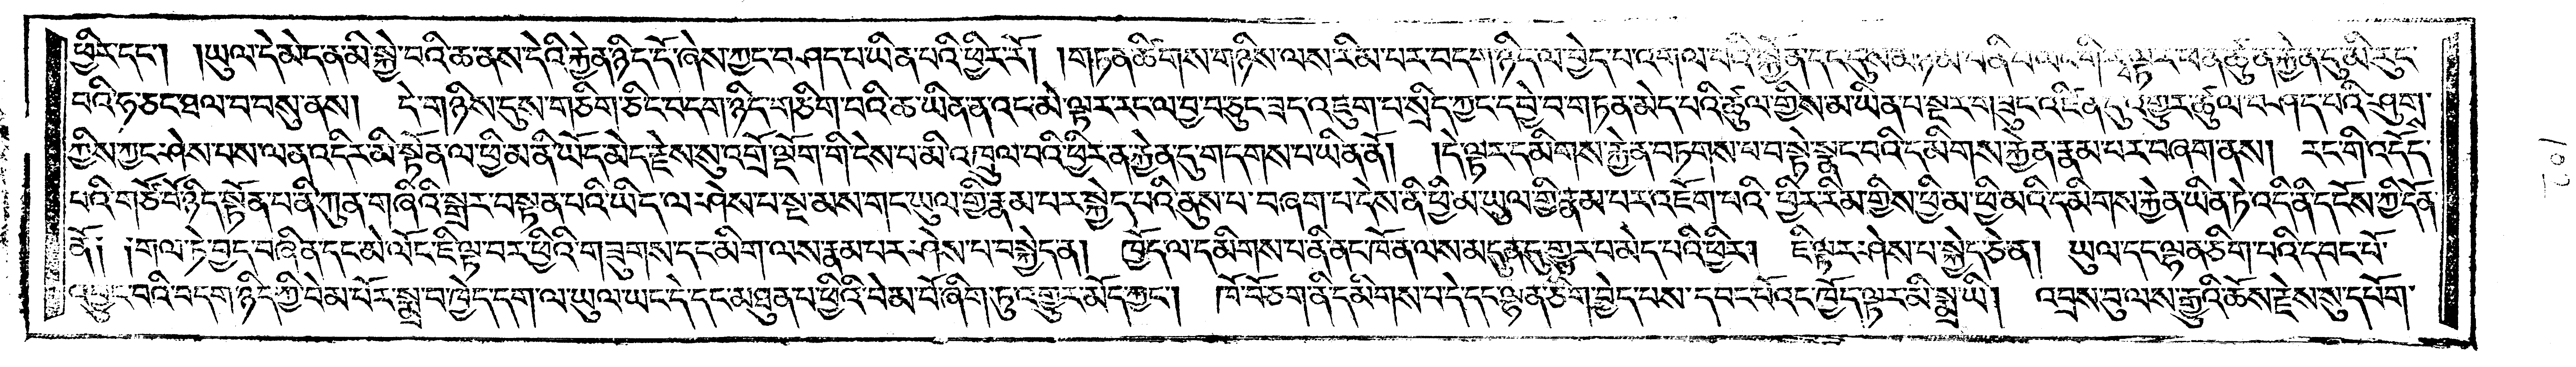ཕྱིར་དང་། །ཡུལ་དེ་མེད་ན་མི་སྐྱེ་བའི་ཆ་ནས་དེའི་རྐྱེན་ཉིད་དོ་ཞེས་ཀྱང་བཤད་པ་ཡིན་པའི་ཕྱིར་རོ། །གཏན་ཚིགས་གཉིས་ལས་རིམ་པར་བདག་ཉིད་ལ་བྱེད་པ་འགལ་བའི་སྐྱོན་དང་དུས་མཉམ་པ་ནི་བ་ལང་གི་རྭ་ལྟར་ཕན་ཚུན་རྐྱེན་དུ་མི་རུང་
བའི་ཧ་ཅང་ཐལ་བ་བསུ་ནས། དེ་གཉིས་དུས་གཅིག་ཅིང་བདག་ཉིད་གཅིག་པའི་ཆ་ཡིན་ནའང་མེ་ལྟར་རང་ལ་བྱ་བ་ཅུང་ཟད་འཇུག་པ་སྲིད་ཀྱང་དབྱེ་བ་གཏན་མེད་པའི་ཚུལ་གྱིས་མ་ཡིན་པ་སྔར་གཟུང་འཛིན་དུ་འགྱུར་ཚུལ་བཤད་པའི་ཤུགས་
ཀྱིས་ཀྱང་ཤེས་པས་ལ་ན་འདིར་མི་སྟོན་ལ་ཕྱི་མ་ནི་ཡོད་མེད་རྗེས་སུ་འགྲོ་ལྡོག་གི་ངེས་པ་མི་འཁྲུལ་བའི་ཕྱིར་ན་རྐྱེན་དུ་གདགས་པ་ཡིན་ནོ། །དེ་ལྟར་དམིགས་རྐྱེན་བཏགས་པ་བ་སྟེ་སྣང་བའི་དམིགས་རྐྱེན་རྣམ་པར་བཞག་ནས། རང་གི་འདོད་
པའི་གཙོ་བོ་ཉིད་སྟོན་པ་ནི་ཀུན་གཞིའི་སྒྲར་བསྟན་པའི་ཡིད་ལ་ཤེས་པ་སྔ་མས་གང་ཡུལ་གྱི་རྣམ་པར་སྐྱེད་པའི་ནུས་པ་བཞག་པ་དེས་ནི་ཕྱི་མ་ཡུལ་གྱི་རྣམ་པར་འཇོག་པའི་ཕྱིར་རིམ་གྱིས་ཕྱི་མ་ཕྱི་མའི་དམིགས་རྐྱེན་ཡིན་ཏེ་འདི་ནི་དངོས་ཀྱི་དོན་
ནོ༑ ༑གལ་ཏེ་བྱད་བཞིན་དང་མེ་ལོང་ཇི་ལྟ་བར་ཕྱིའི་གཟུགས་དང་མིག་ལས་རྣམ་པར་ཤེས་པ་བསྐྱེད་ན། ཁྱོད་ལ་དམིགས་པ་ནི་ནང་ཁོ་ན་ལས་མདུན་དུ་གྱུར་པ་མེད་པའི་ཕྱིར། ཇི་ལྟར་ཤེས་པ་སྐྱེད་ཅེ་ན། ཡུལ་དང་ལྷན་ཅིག་པའི་དབང་པོ་
འབྱུང་བའི་བདག་ཉིད་ཀྱི་བེམ་པོར་སྨྲ་བ་ཁྱེད་དག་ལ་ཡུལ་ཡང་དེ་དང་མཐུན་པ་ཕྱིའི་བེམ་པོ་ཞིག་ཏུ་འགྱུར་མོད་ཀྱང་། ཁོ་བོ་ཅག་ནི་དམིགས་པ་དེ་དང་ལྷན་ཅིག་བྱེད་པས་དབང་པོའང་ཁྱོད་ལྟར་མི་སྨྲ་ཡི། འབྲས་བུ་ལས་རྒྱུའི་ཆོས་རྗེས་སུ་དཔོག་